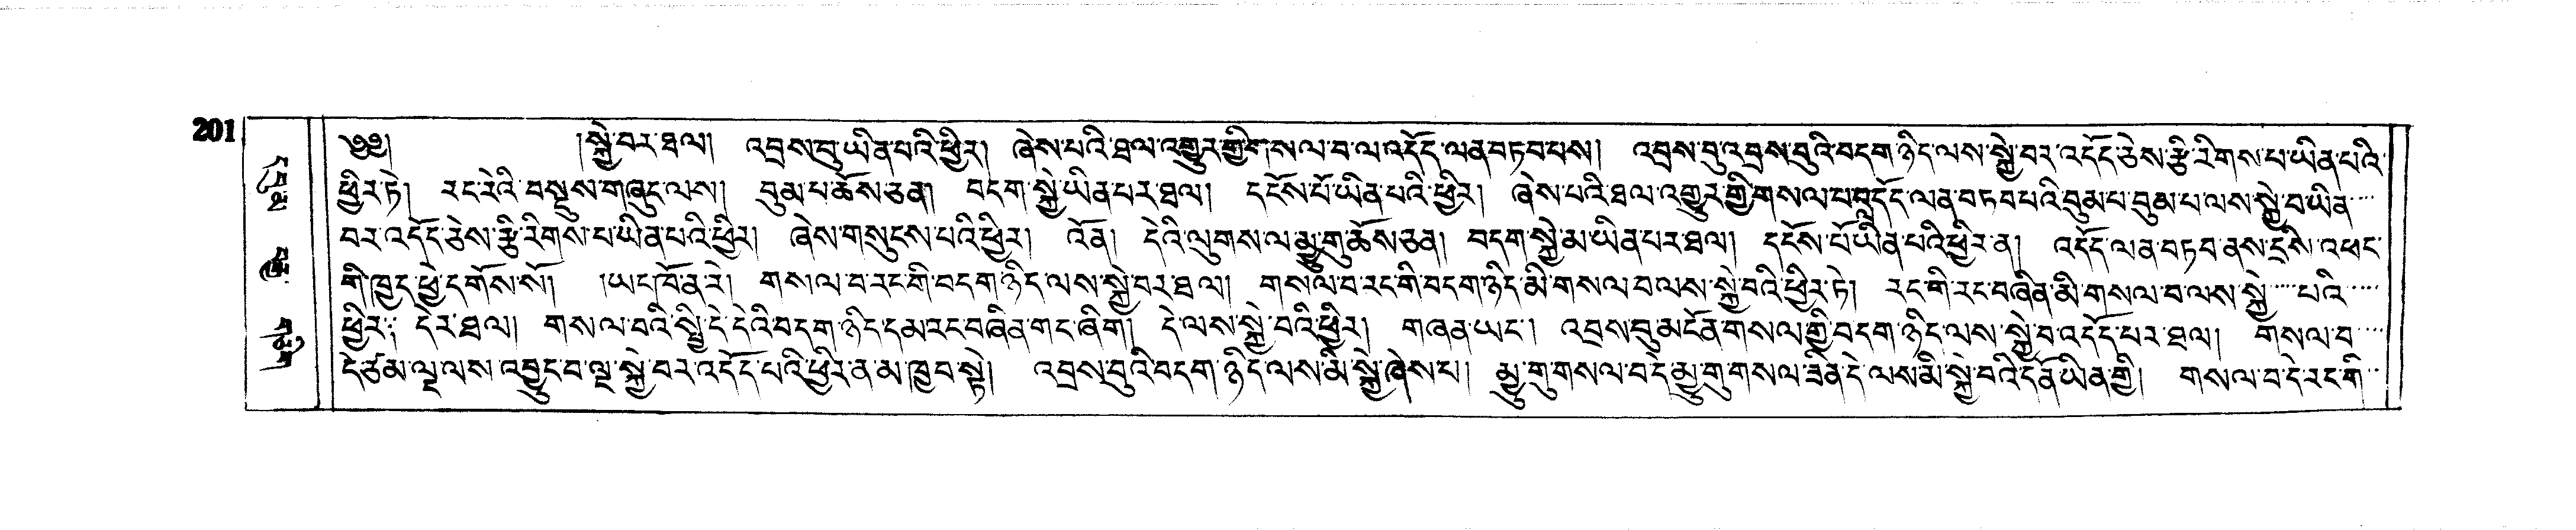༄༅། །སྐྱེ་བར་ཐལ། འབྲས་བུ་ཡིན་པའི་ཕྱིར། ཞེས་པའི་ཐལ་འགྱུར་གྱི་གསལ་བ་ལ་འདོད་ལན་བཏབ་པས། འབྲས་བུ་འབྲས་བུའི་བདག་ཉིད་ལས་སྐྱེ་བར་འདོད་ཅེས་རྩི་རིགས་པ་ཡིན་པའི་
ཕྱིར་ཏེ། རང་རེའི་བསྡུས་གཞུང་ལས། བུམ་པ་ཆོས་ཅན། བདག་སྐྱེ་ཡིན་པར་ཐལ། དངོས་པོ་ཡིན་པའི་ཕྱིར། ཞེས་པའི་ཐལ་འགྱུར་གྱི་གསལ་བ་ལ་འདོད་ལན་བཏབ་པའི་བུམ་པ་བུམ་པ་ལས་སྐྱེ་བ་ཡིན་
བར་འདོད་ཅེས་རྩི་རིགས་པ་ཡིན་པའི་ཕྱིར། ཞེས་གསུངས་པའི་ཕྱིར། འོ་ན། དེའི་ལུགས་ལ་མྱུ་གུ་ཆོས་ཅན། བདག་སྐྱེ་མ་ཡིན་པར་ཐལ། དངོས་པོ་ཡིན་པའི་ཕྱིར་ན། འདོད་ལན་བཏབ་ནས་དྲིས་འཕང་
གི་ཁྱད་ཕྱེ་དགོས་སོ། །ཡང་ཁོ་ན་རེ། གསལ་བ་རང་གི་བདག་ཉིད་ལས་སྐྱེ་བར་ཐལ། གསལ་བ་རང་གི་བདག་ཉིད་མི་གསལ་བ་ལས་སྐྱེ་བའི་ཕྱིར་ཏེ། རང་གི་རང་བཞིན་མི་གསལ་བ་ལས་སྐྱེ་པའི་
ཕྱིར། དེར་ཐལ། གསལ་བའི་སྤྱི་དེ་དེའི་བདག་ཉིད་དམ་རང་བཞིན་གང་ཞིག། དེ་ལས་སྐྱེ་བའི་ཕྱིར། གཞན་ཡང་། འབྲས་བུ་མངོན་གསལ་གྱི་བདག་ཉིད་ལས་སྐྱེ་བ་འདོད་པར་ཐལ། གསལ་བ་
དེ་ཙམ་ལྔ་ལས་འབྱུང་བ་ལྔ་སྐྱེ་བར་འདོད་པའི་ཕྱིར་ན་མ་ཁྱབ་སྟེ། འབྲས་བུའི་བདག་ཉིད་ལས་མི་སྐྱེ་ཞེས་པ། མྱུ་གུ་གསལ་བ་དེ་མྱུ་གུ་གསལ་ཟིན་དེ་ལས་མི་སྐྱེ་བའི་དོན་ཡིན་གྱི། གསལ་བ་དེ་རང་གི་